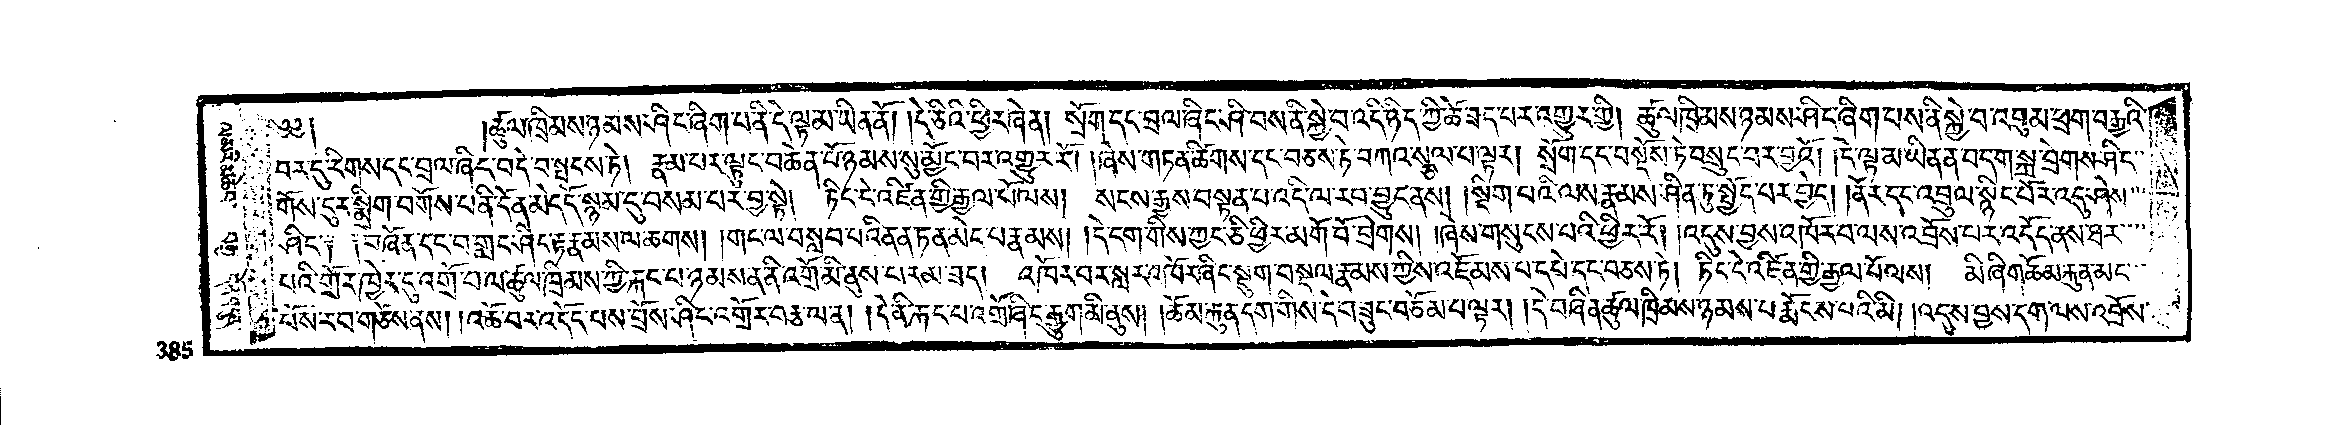༄༅། །ཚུལ་ཁྲིམས་ཉམས་ཤིང་ཞིག་པ་ནི་དེ་ལྟ་མ་ཡིན་ནོ། །དེ་ཅིའི་ཕྱིར་ཞེ་ན། སྲོག་དང་བྲལ་ཞིང་ཤི་བས་ནི་སྐྱེ་བ་འདི་ཉིད་ཀྱི་ཚེ་ཟད་པར་འགྱུར་གྱི། ཚུལ་ཁྲིམས་ཉམས་ཤིང་ཞིག་པས་ནི་སྐྱེ་བ་འབུམ་ཕྲག་བརྒྱའི་
བར་དུ་རིགས་དང་བྲལ་ཞིང་བདེ་བ་སྤངས་ཏེ། རྣམ་པར་ལྟུང་བ་ཆེན་པོ་ཉམས་སུ་མྱོང་བར་འགྱུར་རོ། །ཞེས་གཏན་ཚིགས་དང་བཅས་ཏེ་བཀའ་སྩལ་པ་ལྟར། སྲོག་དང་བསྡོས་ཏེ་བསྲུང་བར་བྱའོ། །དེ་ལྟ་མ་ཡིན་ན་བདག་སྐྲ་བྲེགས་ཤིང་
གོས་ངུར་སྨྲིག་བགོས་པ་ནི་དོན་མེད་དོ་སྙམ་དུ་བསམ་པར་བྱ་སྟེ། ཏིང་ངེ་འཛིན་གྱི་རྒྱལ་པོ་ལས། སངས་རྒྱས་བསྟན་པ་འདི་ལ་རབ་བྱུང་ནས། །སྡིག་པའི་ལས་རྣམས་ཤིན་ཏུ་སྤྱོད་པར་བྱེད། །ནོར་དང་འབྲུ་ལ་སྙིང་པོར་འདུ་ཤེས་
ཤིང༑ ༑བཞོན་དང་བ་གླང་ཤིང་རྟ་རྣམས་ལ་ཆགས། །གང་ལ་བསླབ་པའི་ནན་ཏན་མེད་པ་རྣམས། །དེ་དག་གིས་ཀྱང་ཅི་ཕྱིར་མགོ་བོ་བྲེགས། །ཞེས་གསུངས་པའི་ཕྱིར་རོ། །འདུས་བྱས་འཁོར་བ་ལས་འབྲོས་པར་འདོད་ནས་ཐར་
པའི་གྲོང་ཁྱེར་དུ་འགྲོ་བ་ལ་ཚུལ་ཁྲིམས་ཀྱི་རྐང་པ་ཉམས་ན་ནི་འགྲོ་མི་ནུས་པར་མ་ཟད། འཁོར་བར་སླར་འཁོར་ཞིང་སྡུག་བསྔལ་རྣམས་ཀྱིས་འཇོམས་པ་དཔེ་དང་བཅས་ཏེ། ཏིང་ངེ་འཛིན་གྱི་རྒྱལ་པོ་ལས། མི་ཞིག་ཆོམ་རྐུན་མང་
པོས་རབ་གཙེས་ནས། །འཚོ་བར་འདོད་པས་བྲོས་ཤིང་འགྲོར་བརྩལ་ན། །དེ་ནི་རྐང་པ་འགྲོ་ཞིང་རྒྱུག་མི་ནུས། །ཆོམ་རྐུན་དག་གིས་དེ་བཟུང་བཅོམ་པ་ལྟར། །དེ་བཞིན་ཚུལ་ཁྲིམས་ཉམས་པ་རྨོངས་པའི་མི། །འདུས་བྱས་དག་ལས་འབྲོས་